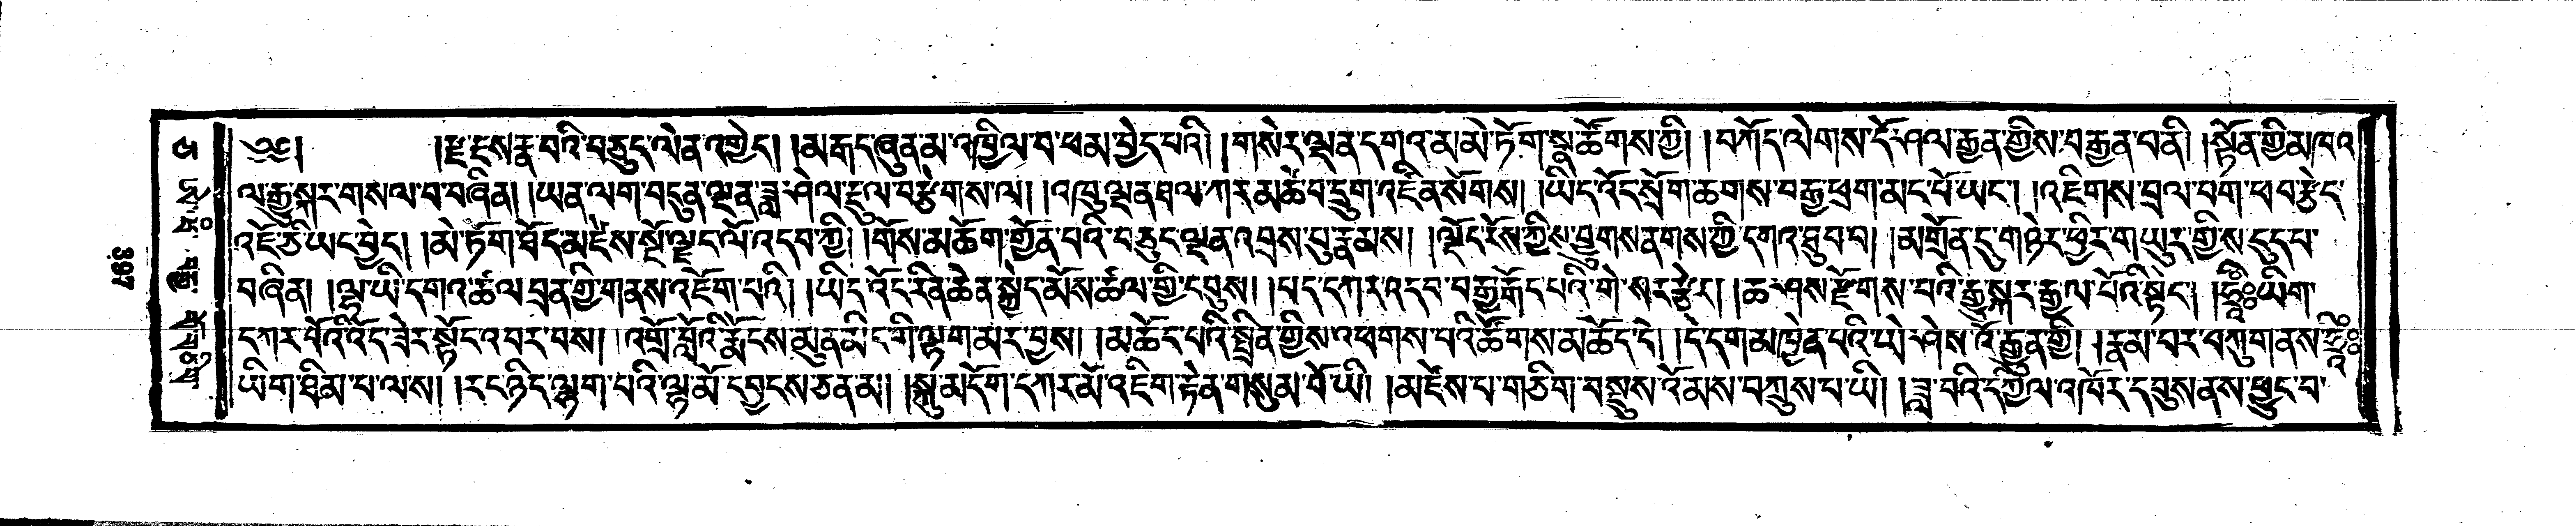༄༅། །རྫ་རྔས་རྣ་བའི་བཅུད་ལེན་འགྱེད། །མ་རྒད་ཞུན་མ་འཁྱིལ་བ་ཕམ་བྱེད་པའི། །གསེར་ལྡན་དགའ་མ་མེ་ཏོག་སྣ་ཚོགས་ཀྱི། །བཀོད་ལེགས་དོ་ཤལ་རྒྱན་གྱིས་བརྒྱན་པ་ནི། །སྟོན་གྱི་མཁའ་
ལ་རྒྱུ་སྐར་གསལ་བ་བཞིན། །ཡན་ལག་བདུན་ལྡན་ཟླ་ཤེལ་རྡུལ་བརྩེགས་ལ། །འཁུ་ལྡན་ཐལ་ཀར་མཆེ་བ་དྲུག་འཛིན་སོགས། །ཡིད་འོང་སྲོག་ཆགས་བརྒྱ་ཕྲག་མང་པོ་ཡང་། །འཇིགས་བྲལ་བག་ཕབ་རྩེད་
འཇོ་ཅི་ཡང་བྱེད། །མེ་ཏོག་ཐོད་མཛེས་སྔོ་ལྗང་ལོ་འདབ་ཀྱི། །གོས་མཆོག་གྱོན་པའི་བཅུད་ལྡན་འབྲས་བུ་རྣམས། །ལྡོང་རོས་ཀྱིས་བྱུགས་ནགས་ཀྱི་དཀའ་ཐུབ་པ། །མགྲོན་དུ་གཉེར་ཕྱིར་གཡུར་གྱིས་དུད་པ་
བཞིན། །ལྷ་ཡི་དགའ་ཚལ་བྲན་གྱི་གནས་འཇོག་པའི། །ཡིད་འོང་རིན་ཆེན་སྐྱེད་མོས་ཚལ་གྱི་དབུས། །པད་དཀར་འདབ་བརྒྱ་རྒོད་པའི་གེ་སར་རྩེར། །ཆ་ཤས་རྫོགས་པའི་རྒྱུ་སྐར་རྒྱལ་པོའི་སྟེང་། །ཧྲཱིཾཿ ཡིག་
དཀར་པོའི་འོད་ཟེར་སྟོང་འབར་བས། །འགྲོ་བློའི་རྨོངས་མུན་མིང་གི་ལྷག་མར་བྱས། །མཆོད་པའི་སྤྲིན་གྱིས་འཕགས་པའི་ཚོགས་མཆོད་དེ། །དེ་དག་མཁྱེན་པའི་ཡེ་ཤེས་འོ་རྒྱུན་གྱི། །རྣམ་པར་བཀུག་ནས་ཧྲཱིཾཿ
ཡིག་ཐིམ་པ་ལས། །རང་ཉིད་ལྷག་པའི་ལྷ་མོ་དབྱངས་ཅན་མ། །སྐུ་མདོག་དཀར་མོ་འཇིག་རྟེན་གསུམ་པོ་ཡི། །མཛེས་པ་གཅིག་བསྡུས་འོ་མས་བཀྲུས་པ་ཡི། །ཟླ་བའི་དཀྱིལ་འཁོར་དབུས་ནས་ཕྱུང་བ་